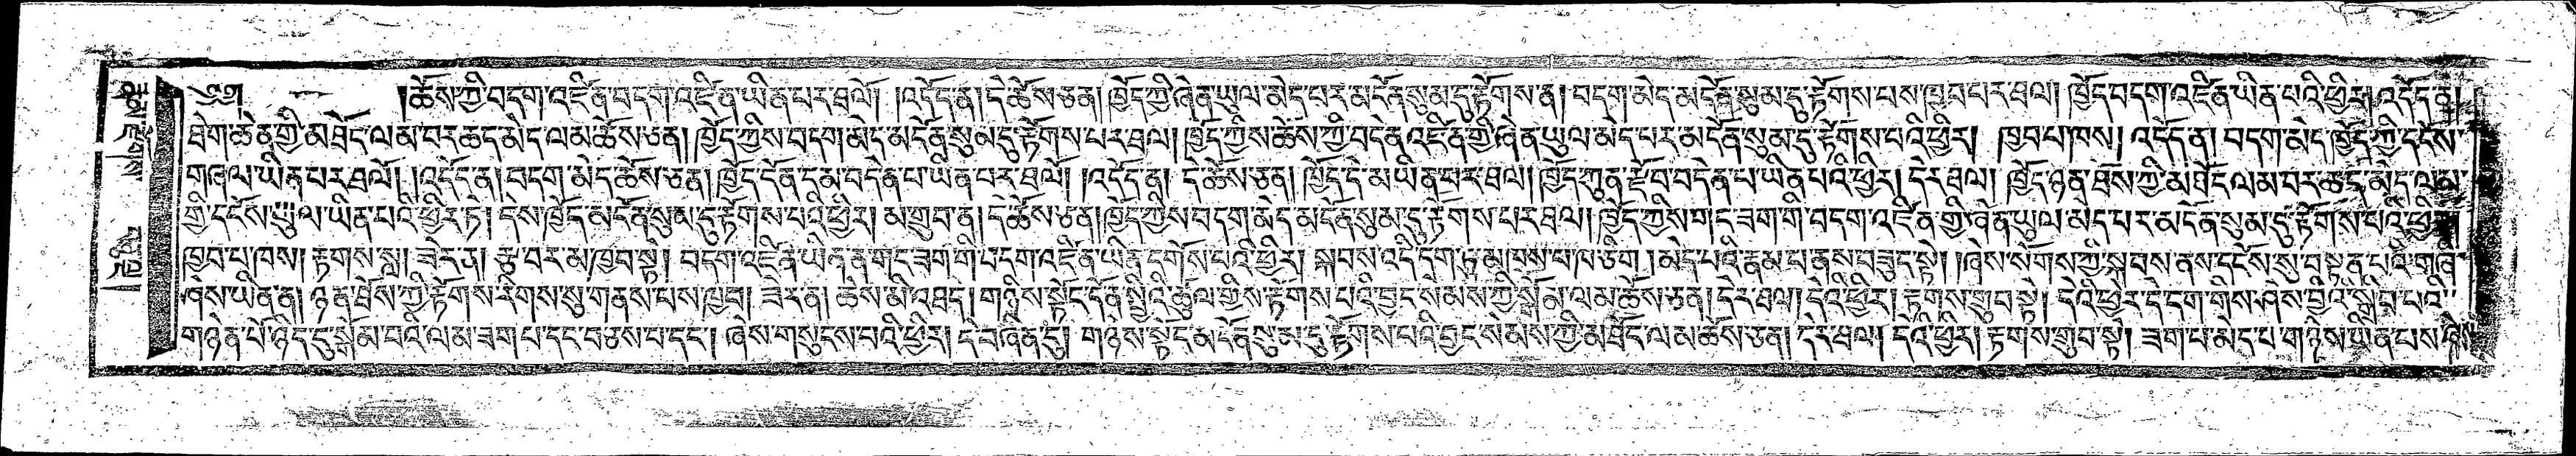༄༅། །ཆོས་ཀྱི་བདག་འཛིན་བདག་འཛིན་ཡིན་པར་ཐལ་ལོ། །འདོད་ན། དེ་ཆོས་ཅན། ཁྱོད་ཀྱི་ཞེན་ཡུལ་མེད་པར་མངོན་སུམ་དུ་རྟོགས་ན། བདག་མེད་མངོན་སུམ་དུ་རྟོགས་པས་ཁྱབ་པར་ཐལ། ཁྱོད་བདག་འཛིན་ཡིན་པའི་ཕྱིར། འདོད་ན།
ཐེག་ཆེན་གྱི་མཐོང་ལམ་བར་ཆད་མེད་ལམ་ཆོས་ཅན། ཁྱོད་ཀྱིས་བདག་མེད་མངོན་སུམ་དུ་རྟོགས་པར་ཐལ། ཁྱོད་ཀྱིས་ཆོས་ཀྱི་བདེན་འཛིན་གྱི་ཞེན་ཡུལ་མེད་པར་མངོན་སུམ་དུ་རྟོགས་པའི་ཕྱིར། ཁྱབ་པ་ཁས། འདོད་ན། བདག་མེད་ཁྱོད་ཀྱི་དངོས་
གཞལ་ཡིན་པར་ཐལ་ལོ། །འདོད་ན། བདག་མེད་ཆོས་ཅན། ཁྱོད་དོན་དམ་བདེན་པ་ཡིན་པར་ཐལ་ལོ། །འདོད་ན། དེ་ཆོས་ཅན། ཁྱོད་དེ་མ་ཡིན་པར་ཐལ། ཁྱོད་ཀུན་རྫོབ་བདེན་པ་ཡིན་པའི་ཕྱིར། དེར་ཐལ། ཁྱོད་ཉན་ཐོས་ཀྱི་མཐོང་ལམ་བར་ཆད་མེད་ལམ་
གྱི་དངོས་ཡུལ་ཡིན་པའི་ཕྱིར་ཏེ། དེས་ཁྱོད་མངོན་སུམ་དུ་རྟོགས་པའི་ཕྱིར། མ་གྲུབ་ན། དེ་ཆོས་ཅན། ཁྱོད་ཀྱིས་བདག་མེད་མངོན་སུམ་དུ་རྟོགས་པར་ཐལ། ཁྱོད་ཀྱིས་གང་ཟག་གི་བདག་འཛིན་གྱི་ཞེན་ཡུལ་མེད་པར་མངོན་སུམ་དུ་རྟོགས་པའི་ཕྱིར།
ཁྱབ་པ་ཁས། རྟགས་སླ། ཟེར་ན། རྩ་བར་མ་ཁྱབ་སྟེ། བདག་འཛིན་ཡིན་ན་གང་ཟག་གི་བདག་འཛིན་ཡིན་དགོས་པའི་ཕྱིར། སྐབས་འདི་དག་ཏུ་མཁས་པ་ཁ་ཅིག། མེད་པའི་རྣམ་པ་ནས་བཟུང་སྟེ། །ཞེས་སོགས་ཀྱི་སྐབས་ནས་དངོས་སུ་བསྟན་པའི་གཞི་
ཤེས་ཡིན་ན། ཉན་ཐོས་ཀྱི་རྟོགས་རིགས་སུ་གནས་པས་ཁྱབ། ཟེར་ན། ཆེས་མི་འཐད། གཉིས་སྟོང་དོན་སྤྱིའི་ཚུལ་གྱིས་རྟོགས་པའི་བྱང་སེམས་ཀྱི་སྒོམ་ལམ་ཆོས་ཅན། དེར་ཐལ། དེའི་ཕྱིར། རྟགས་གྲུབ་སྟེ། དེའི་ཕྱིར་དེ་དག་གིས་ཤེས་བྱའི་སྒྲིབ་པའི་
གཉེན་པོ་ཉིད་དུ་སྒོམ་པའི་ལམ་ཟག་པ་དང་བཅས་པ་དང་། ཞེས་གསུངས་པའི་ཕྱིར། དེ་བཞིན་དུ། གཉིས་སྟོང་མངོན་སུམ་དུ་རྟོགས་པའི་བྱང་སེམས་ཀྱི་མཐོང་ལམ་ཆོས་ཅན། དེར་ཐལ། དེའི་ཕྱིར། རྟགས་གྲུབ་སྟེ། ཟག་པ་མེད་པ་གཉིས་ཡིན་པས་ཞེས་